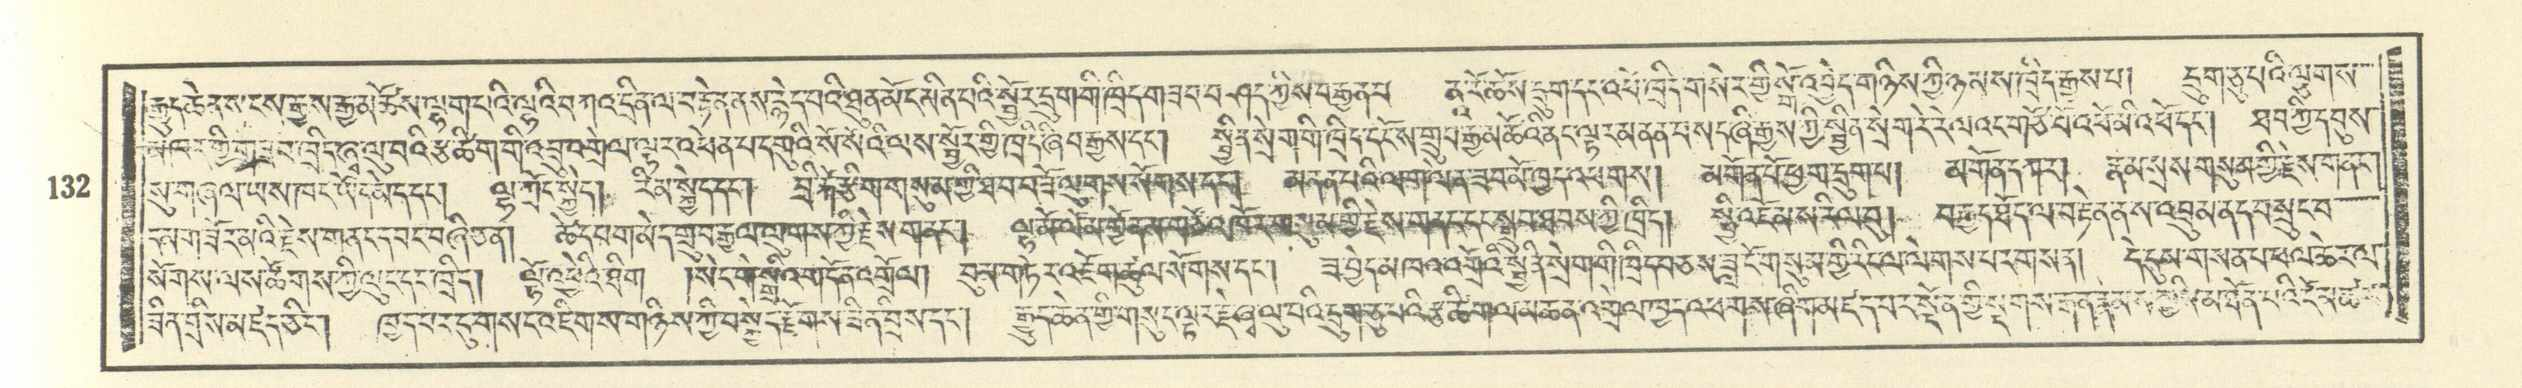རྒྱུད་ཆེན་སངས་རྒྱས་རྒྱ་མཚོས་ལྷག་པའི་ལྷའི་བཀའ་འདྲིན་ལ་བརྟེན་ནས་རྙེད་པའི་ཐུན་མོང་མིན་པའི་སྦྱོར་དྲུག་གི་ཁྲིད་གཟབ་ཤད་ཀྱིས་བརྒྱན་པ། ནཱ་རོ་ཆོས་དྲུག་དང་འཕོ་ཁྲིད་གསེར་གྱི་སྒོ་འབྱེད་གཉིས་ཀྱི་ཉམས་ཁྲིད་རྒྱས་པ། དྲུག་ཅུ་པའི་ལྕགས་
མཁར་གྱི་གཟབ་ཁྲིད་ཞྭ་ལུ་པའི་རྩ་ཚིག་གི་འབྲུ་འགྲེལ་ལྟར་འཕེན་པ་དགུའི་སོ་སོའི་ལས་སྦྱོར་གྱི་ཁྲིད་ཞིབ་རྒྱས་དང་། སྦྱིན་སྲེག་གི་ཁྲིད་དངོས་གྲུབ་རྒྱ་མཚོའི་ནང་ལྟར་མནན་བསད་ཞི་རྒྱས་ཀྱི་སྦྱིན་སྲེག་རེ་རེ་ལའང་གཙོ་བོ་འཕོ་མི་འཕོ་དང་། ཐབ་ཀྱི་དབུས་
སུ་གཞལ་ཡས་ཁང་ཡོད་མེད་དང་། ལྷ་ཀྲོང་སྐྱེད། རིམ་སྐྱེད་དང་། བྲི་རྐོ་རྩིག་གསུམ་གྱི་ཐབ་བཟོ་ལུགས་སོགས་དང་། མནན་པའི་ལག་ལེན་ཟབ་མོ་ཁྱད་འཕགས། མགོན་པོ་ཕྱག་དྲུག་པ། མགོན་དཀར། རྣམ་སྲས་གསུམ་གྱི་རྗེས་གནང་།
དམ་གཟོར་མའི་རྗེས་གནང་དབང་བཞི་ཅན། ཚེ་དཔག་མེད་གྲུབ་རྒྱལ་ལུགས་ཀྱི་རྗེས་གནང་། ལྷ་མོ་ལོ་མ་གྱོན་མ་གཙོ་འཁོར་གསུམ་གྱི་རྗེས་གནང་དང་སྒྲུབ་ཐབས་ཀྱི་ཁྲིད། སྤྱི་འཇོམས་རིལ་བུ། བརྒྱད་ཐོད་ལ་བརྟེན་ནས་འབྲུམ་ནད་བསྲུང་བ་
སོགས་ལས་ཚོགས་ཀྱི་ལུང་དང་ཁྲིད། ལྟོ་འཕྱེའི་ཐིག །སེང་གེ་སྒྲའི་གདོན་འགྲོལ། བུམ་གཏེར་འཇོག་ཚུལ་སོགས་དང་། ཟ་བྱེད་མཁའ་འགྲོའི་སྦྱིན་སྲེག་གི་ཁྲིད་བཅས་ཟླ་ངོ་གསུམ་གྱི་རིང་ལ་ལེགས་པར་གསན། དེ་དུས་གསན་པ་ཕལ་ཆེར་ལ་
ཟིན་བྲིས་མཛད་ཅིང་། ཁྱད་པར་དུ་གསང་འཇིགས་གཉིས་ཀྱི་བསྐྱེད་རྫོགས་ཟིན་བྲིས་དང་། རྒྱུད་ཆེན་གྱི་གསུང་ལྟར་རྗེ་ཞྭ་ལུ་བའི་དྲུག་ཅུ་པའི་རྩ་ཚིག་ལ་མཆན་འགྲེལ་ཁྱད་འཕགས་ཞིག་མཛད་བར་སྔོན་གྱི་སྔགས་རྒན་རྣམས་ཀྱིས་མཐོན་པའི་ངོ་མཚར་